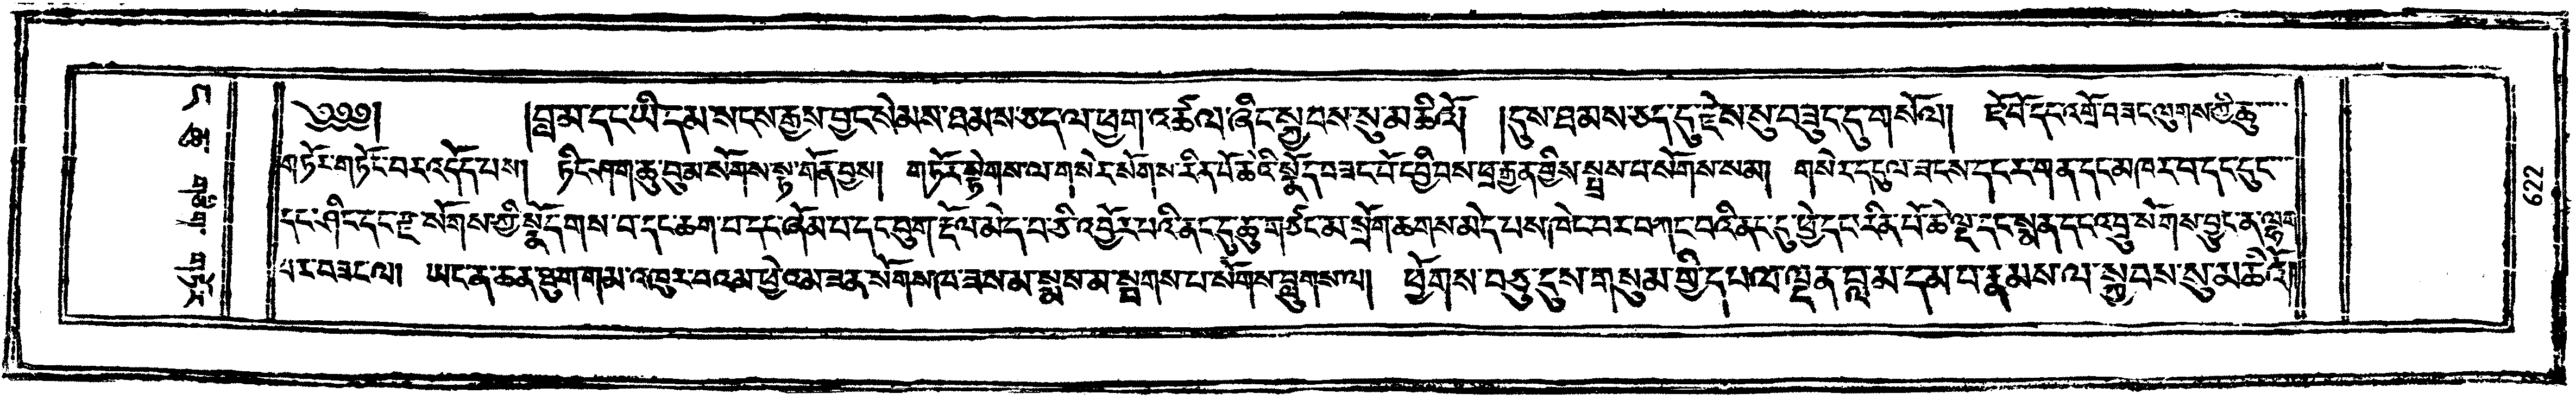༄༅༅། །བླ་མ་དང་ཡི་དམ་སངས་རྒྱས་བྱང་སེམས་ཐམས་ཅད་ལ་ཕྱག་འཚལ་ཞིང་སྐྱབས་སུ་མཆིའོ། །དུས་ཐམས་ཅད་དུ་རྗེས་སུ་བཟུང་དུ་གསོལ། ཇོ་བོ་དང་འགྲོ་བཟང་ལུགས་ཀྱི་ཆུ་
གཏོར་གཏོང་བར་འདོད་པས། ཏིང་ཤག་ཆུ་བུམ་སོགས་སྟ་གོན་བྱས། གཏོར་སྟེགས་ལ་གསེར་སོགས་རིན་པོ་ཆེའི་སྣོད་བཟང་པོ་དབྱིབས་ཕྲ་རྒྱན་གྱིས་སྤྲས་པ་སོགས་སམ། གསེར་ད་དུལ་ཟངས་དང་གན་དང་མཁར་བ་དང་དུང་
དང་ཤིང་དང་རྫ་སོགས་ཀྱི་སྡོད་གས་བ་དང་ཆག་པ་དང་ཞོམ་པ་དང་བུག་རྡོལ་མེད་པ་ཅི་འབྱོར་པའི་ནང་དུ་ཆུ་གཙང་མ་སྲོག་ཆགས་མེད་པས་ཁེང་བར་བཀང་བའི་ནང་དུ་ཕྱེ་དང་རིན་པོ་ཆེ་ལྔ་དང་སྨན་དང་འབྲུ་སོགས་བྱུང་ན་ལྷག་
པར་བཟང་ལ། ཡང་ན་ཆན་ཐུག་གམ་འཁུར་བའམ་ཕྱེ་འམ་ཟན་སོགས་ཁ་ཟས་མ་སྨས་མ་སྤགས་པ་སོགས་བླུགས་ལ། ཕྱོགས་བཅུ་དུས་གསུམ་གྱི་དཔལ་ལྡན་བླ་མ་དམ་པ་རྣམས་ལ་སྐབས་སུ་མཆིའོ།།